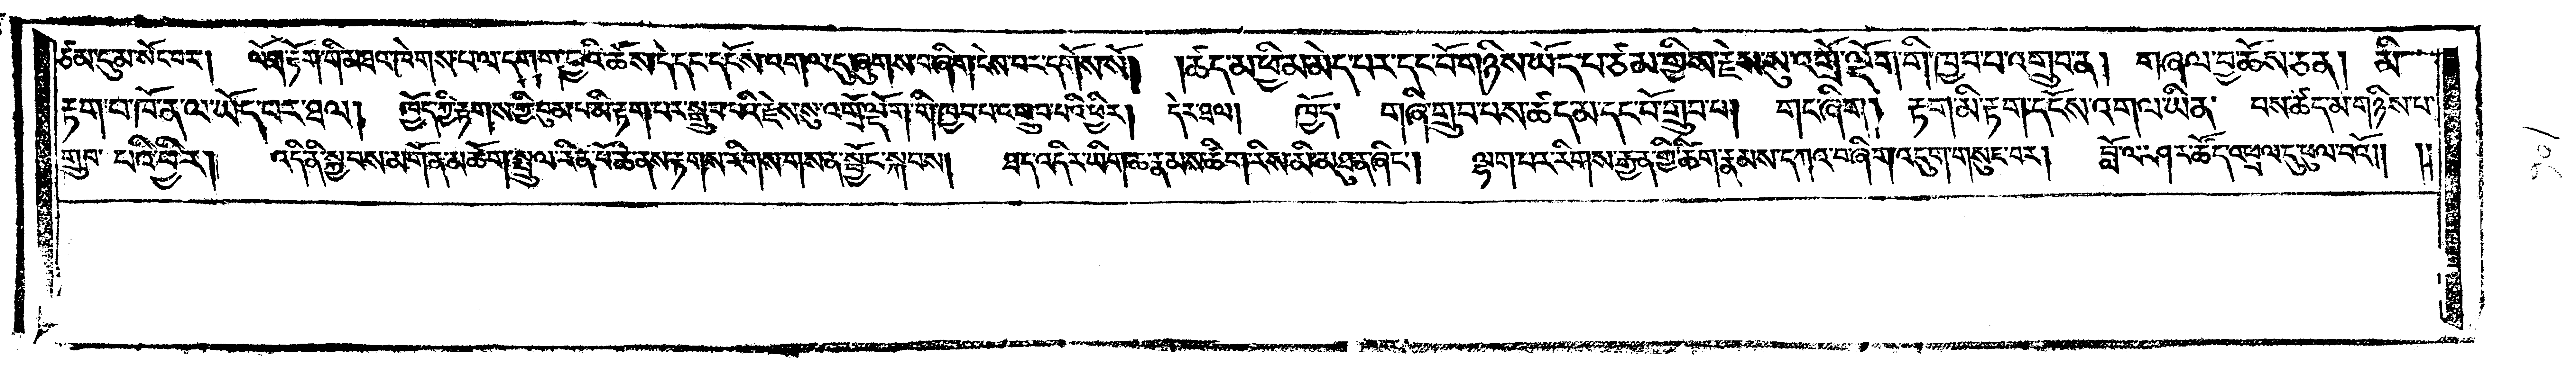ཙམ་དུ་མ་སོང་བར། ལོག་རྟོག་གི་མཐའ་ཁེགས་པ་ལ་དགག་བྱའི་ཆོས་དེ་དང་དངོས་འགལ་དུ་ཞུགས་པ་ཞིག་ངེས་པར་དགོས་སོ། །ཚད་མ་ཕྱི་མ་མེད་པར་དང་པོ་གཉིས་ཡོད་པ་ཙམ་གྱིས་རྗེས་སུ་འགྲོ་ལྡོག་གི་ཁྱབ་པ་འགྲུབ་ན། གཞལ་བྱ་ཆོས་ཅན། མི་
རྟག་པ་ཁོ་ན་ལ་ཡོད་པར་ཐལ། ཁྱོད་ཀྱི་རྟགས་ཀྱི་བུམ་པ་མི་རྟག་པར་སྒྲུབ་པའི་རྗེས་སུ་འགྲོ་ལྡོག་གི་ཁྱབ་པ་འགྲུབ་པའི་ཕྱིར། དེར་ཐལ། ཁྱོད་གཞི་གྲུབ་པས་ཚད་མ་དང་པོ་གྲུབ་པ། གང་ཞིག། རྟག་མི་རྟག་དངོས་འགལ་ཡིན་པས་ཚད་མ་གཉིས་པ་
གྲུབ་པའི་ཕྱིར། འདི་ནི་སྐྱབས་མགོན་མཆོག་སྤྲུལ་རིན་པོ་ཆེ་ནས་རྟགས་རིགས་གསན་སྦྱོང་སྐབས། ཐད་འདིར་ཡིག་ཆ་རྣམས་ཚིག་རིས་མི་མཐུན་ཞིང་། ལྷག་པར་རིགས་རྒྱན་གྱི་ཚིག་རྣམས་དཀའ་བ་བཞིག་འདུག་གསུང་བར། བློ་ལ་ཤར་ཆོད་འཕྲལ་དུ་ཕུལ་བའོ།།